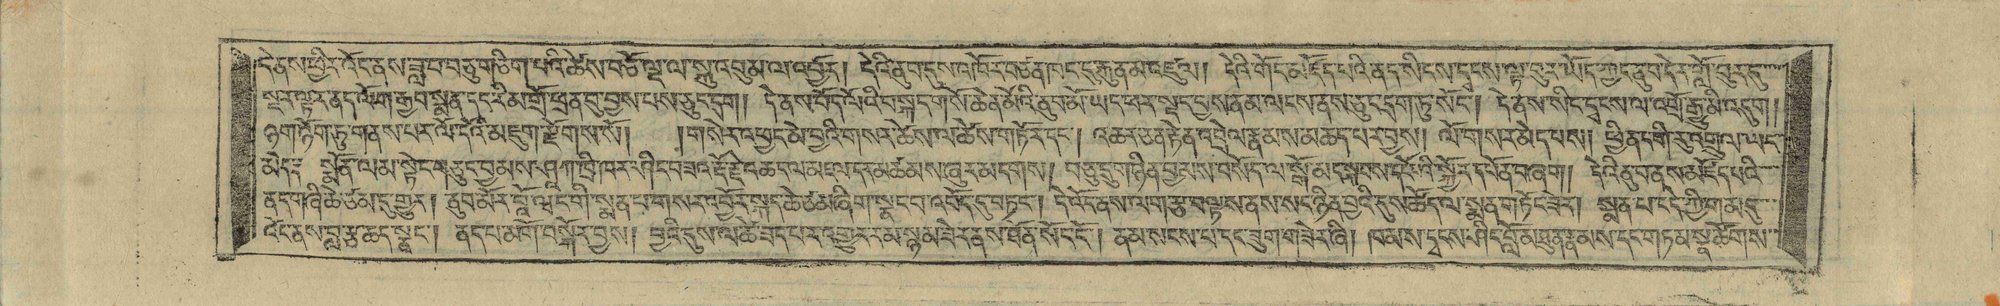དེ་ནས་ཕྱིར་འོང་ནས་ཟླ་བ་བཅུ་གཅིག་པའི་ཚེས་བཅོ་ལྔ་ལ་སྐུ་འབུམ་ལ་འབྱོར། དེའི་ནུབ་དུས་འཁོར་བཙན་ཁང་དུ་རྐུན་མ་འཛུལ། དེའི་གོང་མཛོད་པའི་ནད་སིང་ས་དྭངས་ལྟ་བུར་ཡོད་ཀྱང་ནུ་བ་དེར་གློ་བུར་དུ་
སྔར་ལྟར་ནད་ལོག་རྒྱབ་སྨན་དང་རིམ་གྲོ་ཕྲན་བུ་བྱས་པས་ཅུང་དྲག །དེ་ནས་བོད་ལོའི་བསྐང་གོས་ཆེན་མོའི་ནུབ་མོ་ཡང་ཕར་སྡང་བྱས་ནམ་ལངས་ནས་ཅུང་དྲག་ཏུ་སོང་། དེ་ནས་སིང་དྭངས་ལ་འགྲོ་རྒྱུ་མི་འདུག །
ཉག་ཉོག་ཏུ་གནས་པར་ལོ་དོའི་མཇུག་རྫོགས་སོ། །གསེར་འཕྱང་མེ་བྱའི་གསར་ཚེས་ལ་ཚེས་གཏོར་དང་། འཆར་ཅན་རྟེན་འབྲེལ་རྣམས་མཆད་པར་བྱས། ལོ་གསར་མེད་པས། ཕྱི་ནང་གི་རུ་འགྲུལ་ཡང་
མེད༑ སྨོན་ལམ་སྟེང་གཅུང་བྱམས་ཤཱཀ་ཁྲི་ཤིང་བཟའ་རྡོ་རྗེ་འཆང་ལམ་ལ་དར་མཚམས་ཞུར་མངགས། བཅུ་དྲུག་ཉིན་བྱས་????་བསོད་ལ་སྒོ་མང་སྐབས་དང་པོའི་སྐྱོར་དཔོན་བཞག །དེའི་ནུབ་ནས་མཛོད་པའི་
ནད་གཞི་ཆེ་ཙམ་དུ་གྱུར། ནུབ་མོར་བO་ཝང་གི་སྨན་གསར་འབྱོར་སྐད་ཆེ་ཙམ་ཞིག་སྣང་བ་འབོད་དུ་བཏང་། དེ་འོང་ནས་ལག་རྩ་བལྟས་ནས་སང་ཉིན་བྱའི་དུས་ཚོད་ལ་སྨན་གཏོང་ཟེར། སྨན་པ་ངེད་ཀྱི་???
འོང་ནས་བླ་རྩ་ཆད་སྣང་། ནད་པ་མགོ་བསྐོར་བྱས། བྱའི་དུས་ལ་ཚེ་ཟད་པར་འགྱུར་རམ་སྙམ་ཟེར་ནས་ཐོན་སོང་ངོ། ནམ་སངས་པ་དང་ཐུག་གཟེར་ནི། ཁམས་དྭངས་ཤིང་བློ་མཐུན་རྣམས་དང་གཏམ་ཚོགས་